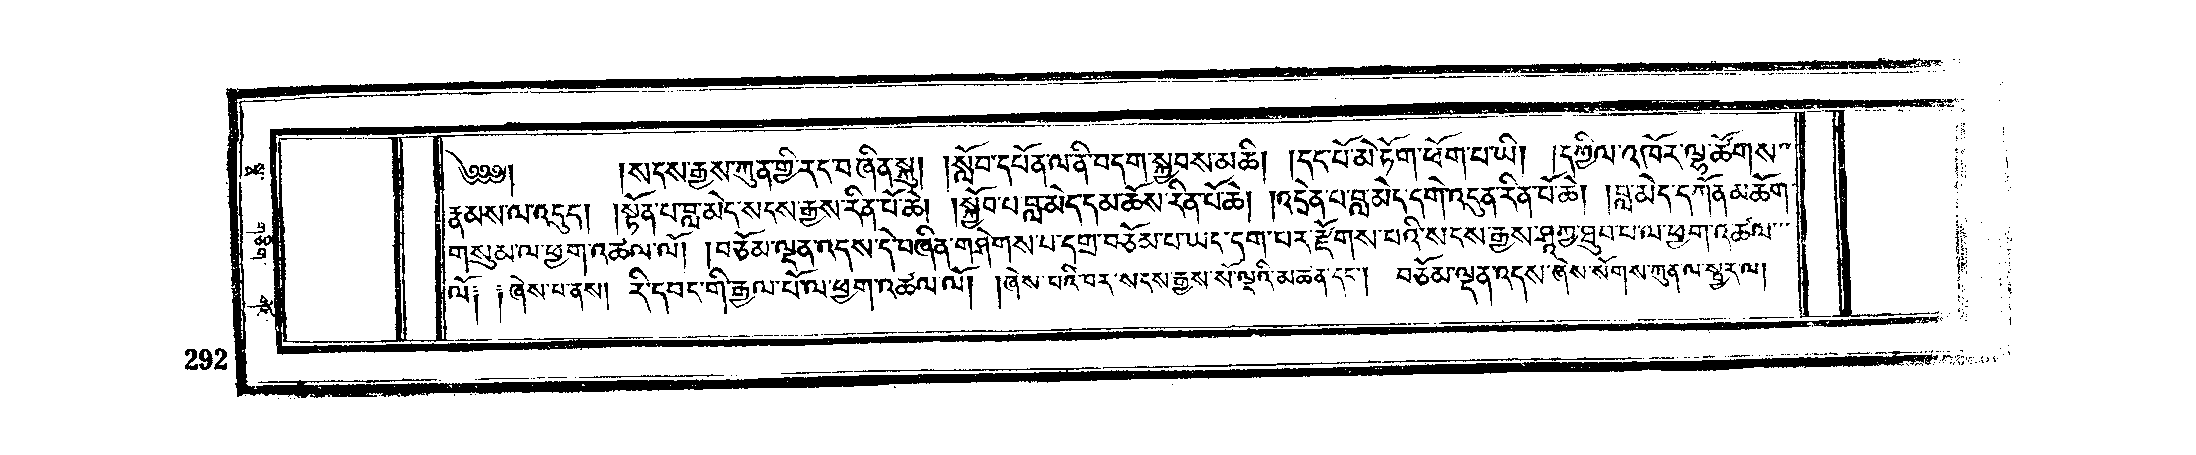༄༅༅། །སངས་རྒྱས་ཀུན་གྱི་རང་བཞིན་སྐུ། །སློབ་དཔོན་ལ་ནི་བདག་སྐྱབས་མཆི། །དང་པོ་མེ་ཏོག་ཕོག་པ་ཡི། །དཀྱིལ་འཁོར་ལྷ་ཚོགས་
རྣམས་ལ་འདུད། །སྟོན་པ་བླ་མེད་སངས་རྒྱས་རིན་པོ་ཆེ། །སྐྱོབ་པ་བླ་མེད་དམ་ཆོས་རིན་པོ་ཆེ། །འདྲེན་པ་བླ་མེད་དགེ་འདུན་རིན་པོ་ཆེ། །བླ་མེད་དཀོན་མཆོག་
གསུམ་ལ་ཕྱག་འཚལ་ལོ། །བཅོམ་ལྡན་འདས་དེ་བཞིན་གཤེགས་པ་དགྲ་བཅོམ་པ་ཡང་དག་པར་རྫོགས་པའི་སངས་རྒྱས་ཤཱཀྱ་ཐུབ་པ་ལ་ཕྱག་འཚལ་
ལོ། །ཞེས་པ་ནས། རི་དབང་གི་རྒྱལ་པོ་ལ་ཕྱག་འཚལ་ལོ། །ཞེས་པའི་བར་སངས་རྒྱས་སོ་ལྔའི་མཚན་དང་། བཅོམ་ལྡན་འདས་ཞེས་སོགས་ཀུན་ལ་སྦྱར་ལ།